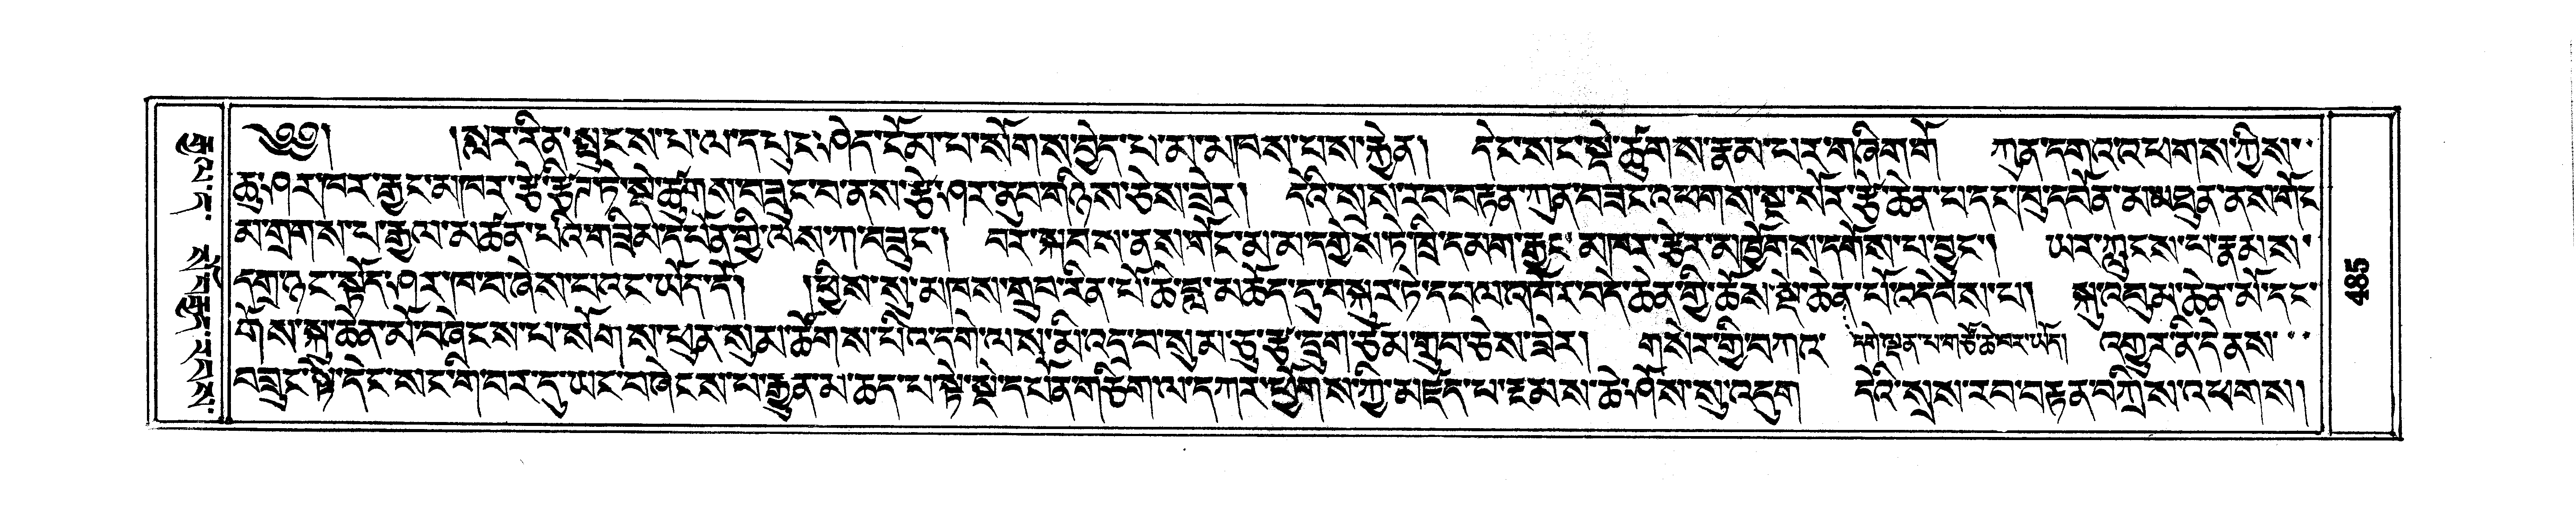༄༅། །སླར་རིན་སྤུངས་པ་ལ་དཔུང་ཤེད་ངོམ་པ་སོགས་བྱེད་པ་མ་མཁས་པས་རྐྱེན། དེང་སང་སྡེ་ཚུགས་རྣམ་པར་གཞིག་གོ་ཀུན་དགའ་འཕགས་ཀྱིས་
ཆུ་ཤར་ཁར་རྒྱང་མཁར་རྩེ་རྩིཊ་ཏེ་སྡེ་ཚུགས་བཟུང་བ་ནས་རྩེ་ཤར་ནུབ་གཉིས་ཅེས་ཟེར། དེའི་སྲས་རབ་བརྟན་ཀུན་བཟང་འཕགས་སྔ་སོར་རྩེ་ཆེན་པ་དང་ཁུ་དབོན་མ་མཐུན་ནས་གོང་
མ་གྲགས་པ་རྒྱལ་མཚན་པའི་གཟིམ་དཔོན་གྱི་ལས་ཀ་བཟུང་། བར་སྐབས་ནས་གོང་མ་མ་དགྱེས་ཏེ་ཁྲི་དམག་རྒྱབ་མཁར་རྩེར་མཁྱོགས་དགོས་པ་བྱུང་། ཡར་ཀླུངས་པ་རྣམས་
དགྲ་ཉང་སྟོད་ཤར་ཁ་བ་ཞེས་པའང་ཡོད་དོ། །ཕྱིས་སུ་མཁས་གྲུབ་རིན་པོ་ཆེ་བླ་མཆོད་དུ་བསྐུར་ཏེ་དཔལ་འཁོར་བདེ་ཆེན་གྱི་ཆོས་སྡེ་ཆེན་པོ་འདེབས་པ། སྐུ་འབུམ་ཆེན་མོ་དང་
གོས་སྐུ་ཆེན་མོ་བཞེངས་པ་སོགས་ཕུན་སུམ་ཚོགས་པའི་དགེ་ལས་མི་འདྲ་བ་སུམ་ཅུ་རྩ་དྲུག་ཙམ་གྲུབ་ཅེས་ཟེར། གསེར་གྱི་བཀའ་དགེ་ལྡན་པ་གཙོ་ཆེ་བར་ཡོད།  འགྱུར་ནི་དེ་ནས་
བཟུང་སྟེ་དེང་སང་གི་བར་དུ་ཡང་བཞེངས་པ་རྒྱུན་མ་ཆད་པ་སྟེ་སྡེ་དཔོན་གཅིག་ལ་དཀར་ཕྱོགས་ཀྱི་མཛད་པ་རྔམས་ཆེ་ཤོས་སུ་འདུག་དེའི་སྲས་རབ་བརྟན་བཀྲིས་འཕགས།